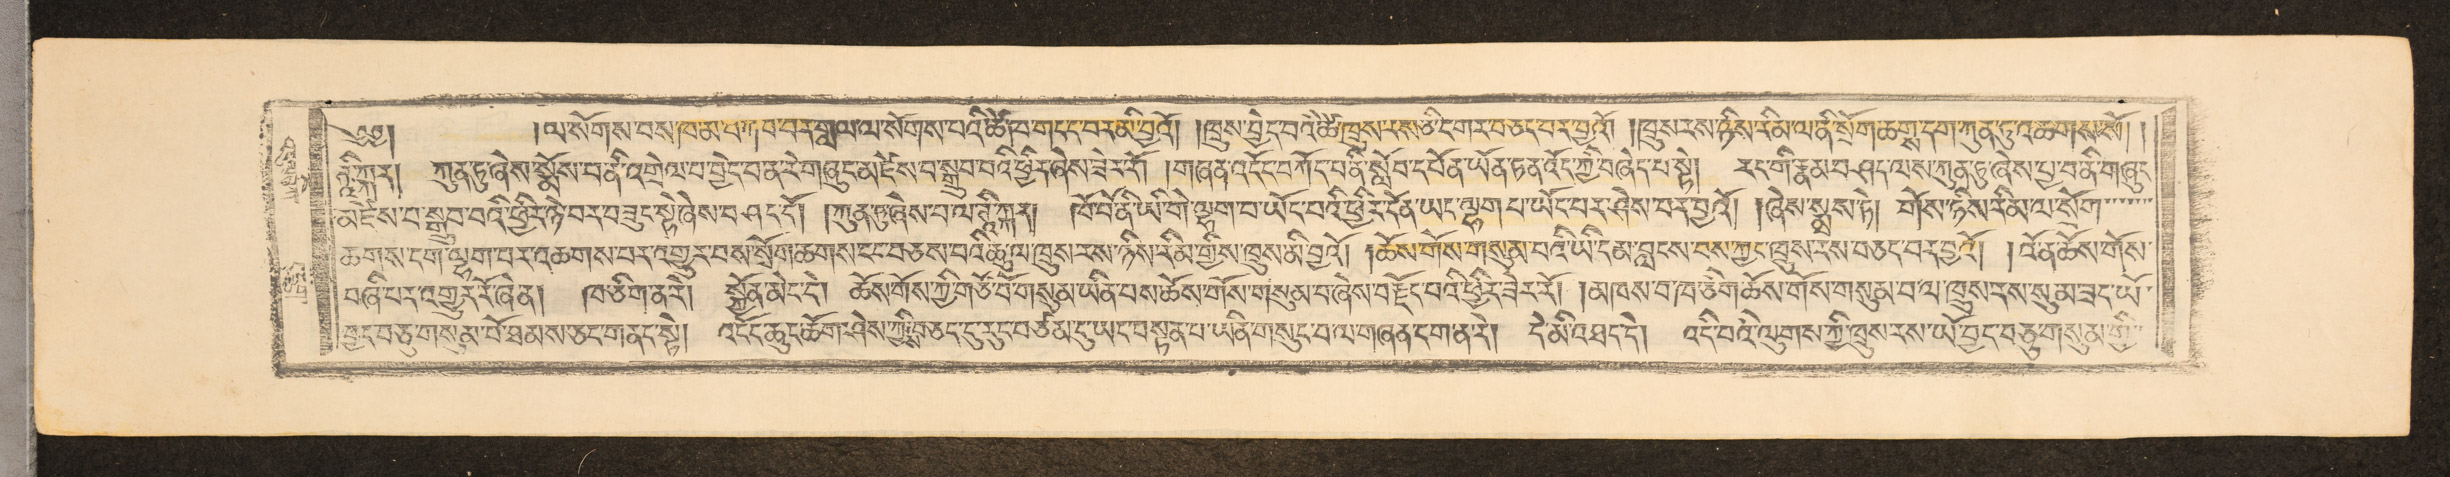༄༅། །ལ་སོགས་པས་ཁ་མ་བཀའ་བར་གླལ་ལ་སོགས་པའི་ཚེ་ཁ་གདང་པར་མི་བྱའོ། །ཁྲུས་བྱེད་པའི་ཚེ་ཁྲུས་རས་ཅི་དགར་བཅད་བར་བྱའོ། །ཁྲུས་རས་ཉིས་རིམ་ལ་ནི་སྲོག་ཆགས་དག་ཀུན་ཏུ་འཆགས་སོ། །
ཊཱི་ཀྐར། ཀུན་ཏུ་ཞེས་སྨོས་པ་ནི་འགྲེལ་པ་བྱེད་པ་ན་རེ་གཞུང་མཛེས་པ་སྒྲུབ་པའི་ཕྱིར་ཞེས་ཟེར་རོ། །གཞན་འདོད་བཀོད་པ་ནི་སློབ་དཔོན་ཡོན་ཏན་འོད་ཀྱི་བཞེད་པ་སྟེ། རང་གི་རྣམ་བཤད་ལས་ཀུན་ཏུ་ཞེས་བྱ་བ་ནི་གཞུང་
མཛེས་པ་སྒྲུབ་པའི་ཕྱིར་ཉེ་བར་བཟུང་སྟེ་ཞེས་བཤད་དོ། །ཀུན་ཏུ་ཞེས་པ་ལ་ཊཱི་ཀྐར། ཁོ་བོ་ནི་ཡི་གེ་ལྷག་པ་ཡོད་པའི་ཕྱིར་དོན་ཡང་ལྷག་པ་ཡོད་པར་ཤེས་པར་བྱའོ། །ཞེས་སྨྲས་ཏེ། གོས་ཉིས་རིམ་ལ་སྲོག་
ཆགས་དག་ལྷག་པར་འཆགས་པར་འགྱུར་བས་སྲོག་ཆགས་དང་བཅས་པའི་ཆུ་ལ་ཁྲུས་རས་ཉིས་རིམ་གྱིས་ཁྲུས་མི་བྱའོ། །ཆོས་གོས་གསུམ་པའི་ཡི་དམ་བླངས་པས་ཀྱང་ཁྲུས་རས་བཅད་པར་བྱའོ། །འོ་ན་ཆོས་གོས་
བཞི་པར་འགྱུར་རོ་ཞེ་ན། ཁ་ཅིག་ན་རེ། སྐྱོན་མེད་དེ། ཆོས་གོས་ཀྱི་གཙོ་བོ་གསུམ་ཡིན་པས་ཆོས་གོས་གསུམ་པ་ཞེས་བརྗོད་པའི་ཕྱིར་ཟེར་རོ། །མཁས་པ་ཁ་ཅིག་ཆོས་གོས་གསུམ་པ་ལ་ཁྲུས་རས་སུ་མ་ཟད་ཡོ་
བྱད་བཅུ་གསུམ་པོ་ཐམས་ཅད་གནང་སྟེ། འདོད་ཆུང་ཆོག་ཤེས་ཀྱི་བཅང་དུ་རུང་བ་ཙམ་དུ་ཡང་བསྟན་པ་ཡིན་གསུང་པ་ལ་གཞན་དག་ན་རེ། དེ་མི་འཐད་དེ། འདི་པའི་ལུགས་ཀྱི་ཁྲུས་རས་ཡོ་བྱད་བཅུ་གསུམ་གྱི་